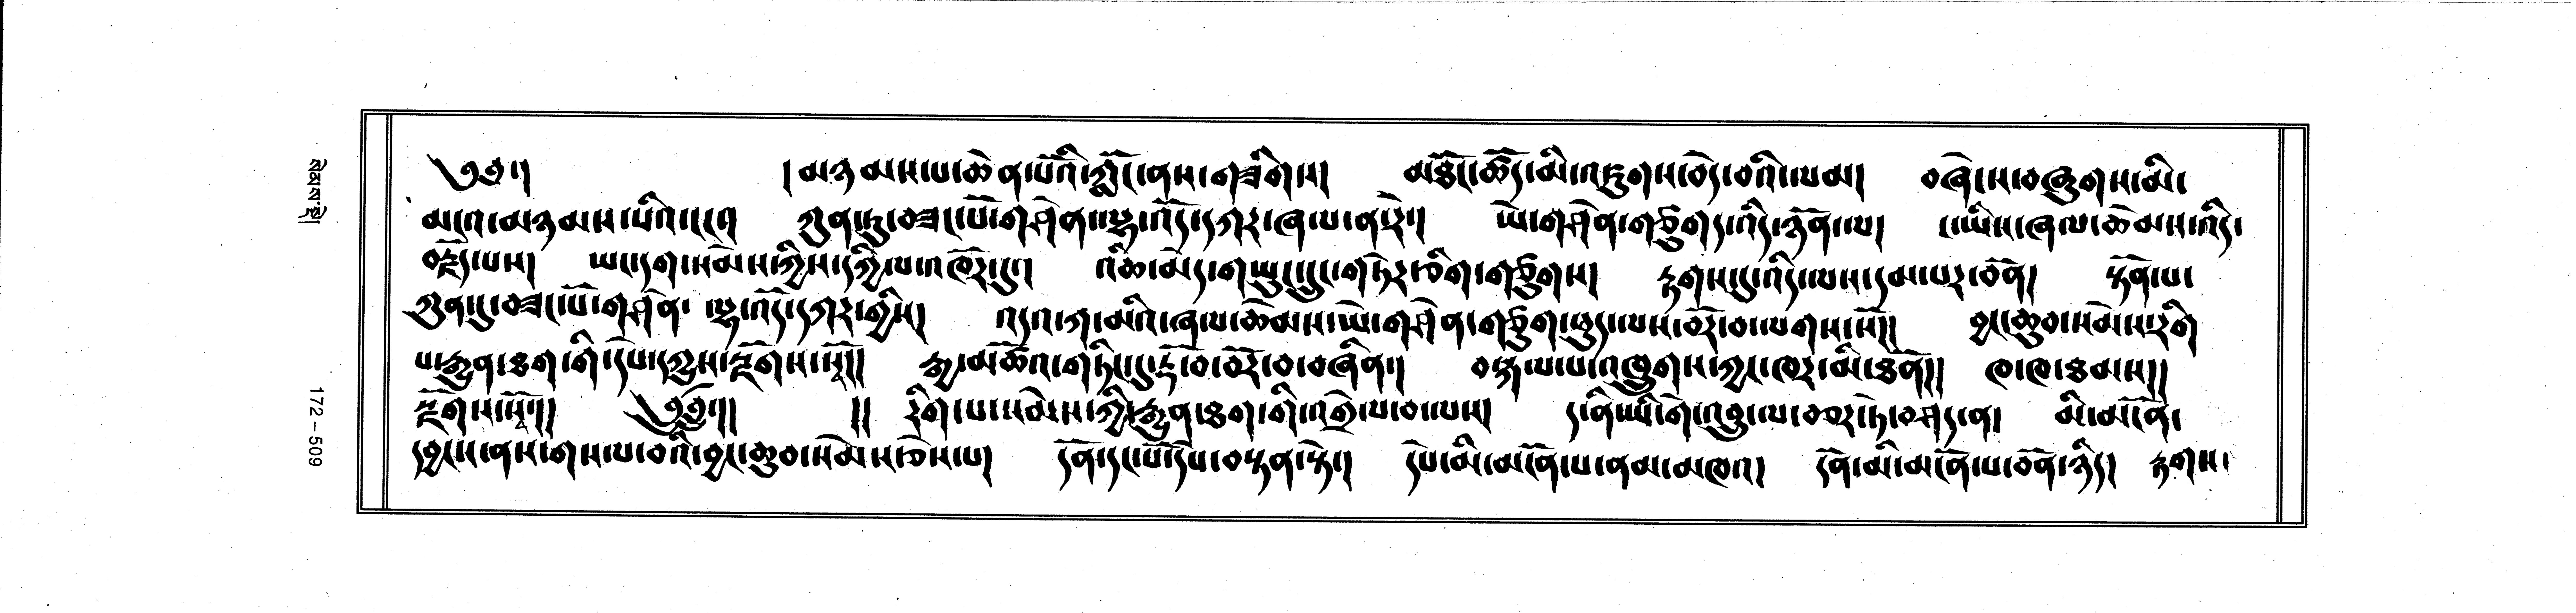མཉམ་པ་ཆེན་པོའི་ཀློང་ནས་གཟིགས། མཐོང་ཚོད་མི་འཇུགས་བདེ་བའི་ལམ། བཞེངས་བཞུགས་མི་
མངའ་མཉམ་པའི་ངང་། ཀུན་ཏུ་བཟང་པོ་གཤེན་ལྷ་འོད་དཀར་ཞལ་ན་རེ། ཡེ་གཤེན་གཙུག་ཕུད་འདི་ཉོན་ལ། ང་ཡིས་ཞལ་ཆེམས་འདི་
བརྗོད་པས། ཡང་དག་སེམས་ཀྱིས་དཀྱིལ་འཁོར་དུ། འཆི་མེད་གཡུང་དྲུང་གཏེར་ཅིག་གཙུགས། རྟགས་དུ་འདི་ལས་དམ་པར་བོན། སྟོན་པ་
ཀུན་ཏུ་བཟང་པོ་གཤེན་ལྷ་འོད་དཀར་གྱིས། འདའ་ཀ་མའི་ཞལ་ཆེམས་ཡེ་གཤེན་གཙུག་ཕུད་ལས་བོར་བ་ལགས་སོ། བྱང་ཆུབ་སེམས་རིག་
པ་རྒྱུན་ཐག་གི་དཔེ་དཀྱུས་རྫོགས་སྭོ། རྒྱ་མཚོའ་གཏིང་དུ་རྡོ་བོར་བ་བཞིན། བསྐལ་པ་འཁྲུགས་ཀྱང་ཁར་མི་ཐོན། ཁ་ཁ་ཐམས། 
རྫོགས་སྭོ། རིག་པ་སེམས་ཀྱི་རྒྱུན་ཐག་གི་འགྲེལ་བ་ལས། ད་ནི་ཡི་གེ་འབྲུ་ལ་བཅར་ཏེ་བཤད་ན། མི་མངོན་
དབྱིངས་ནས་གསལ་བའི་བྱང་ཆུབ་སེམས་ཅེས་པ། དོན་དང་པོ་དཔེ་བསྟན་སྟེ། དཔེ་མི་མངོན་པ་ནམ་མཁའ། དོན་མི་མངོན་པ་བོན་ཉིད། རྟགས་